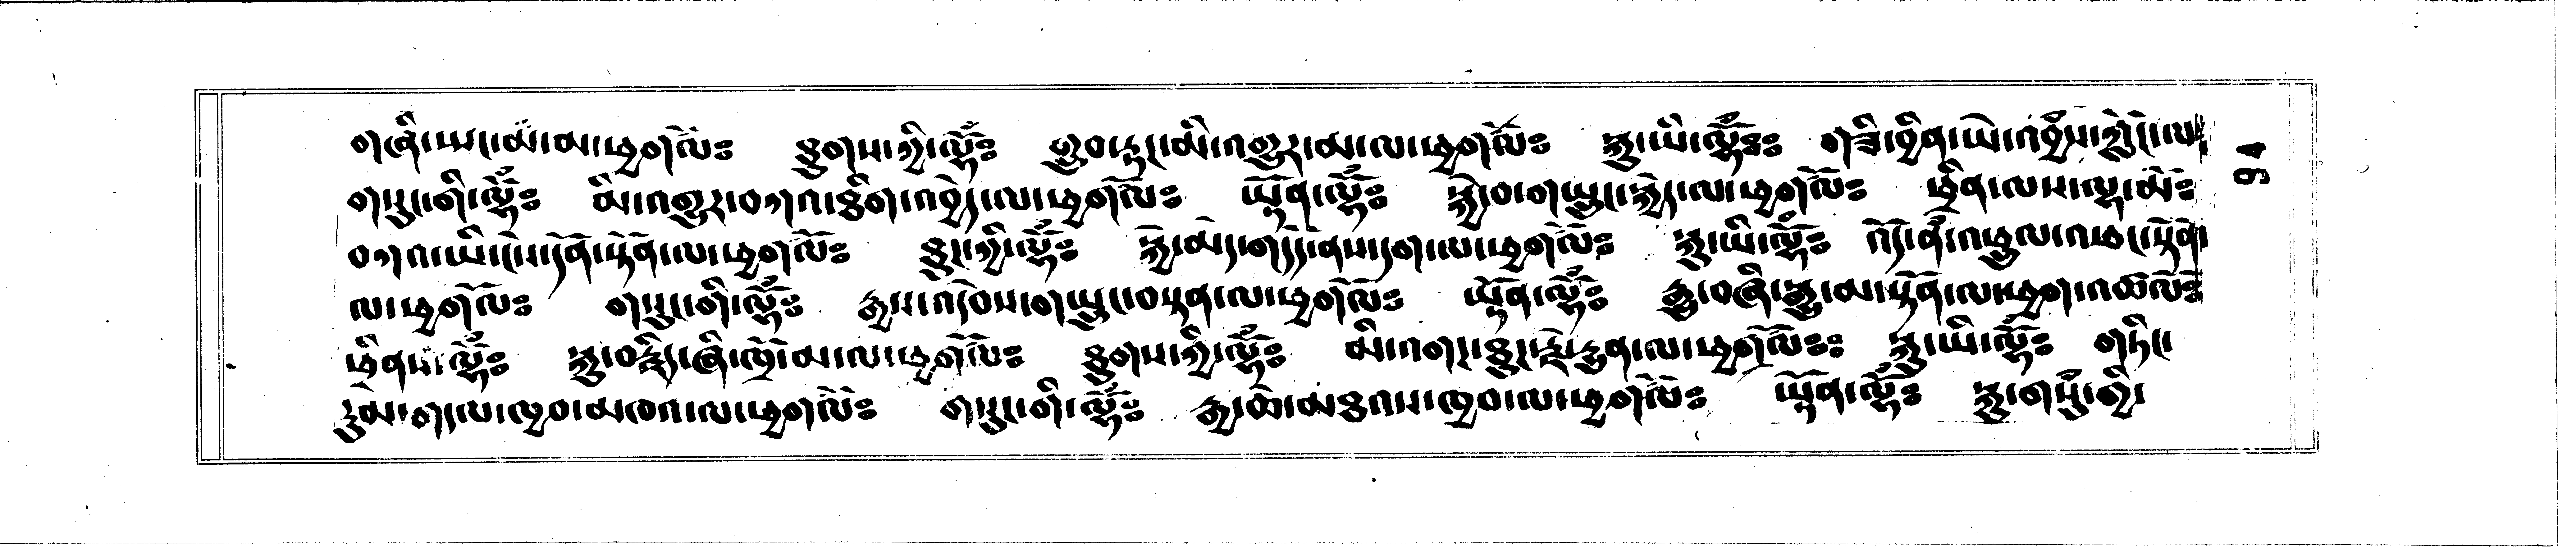གཞི་སྤོང་མ་ལ་ཕྱག་འཚལ་ལོཿ ཐུགས་ཀྱི་ལྷ་མོཿ གྲུབ་རྟགས་མི་འགྱུར་མ་ལ་ཕྱག་འཚལ་ལོཿ སྐུ་ཡི་ལྷ་མོཿ གཟི་བྱིན་ཡེ་འབྱམས་ཀློང་ལ་ཕྱག་འཚལ་ལོཿ 
གསུང་གི་ལྷ་མོཿ མི་འགྱུར་བཀའ་ཐིག་འབྱེད་ལ་ཕྱག་འཚལ་ལོཿ ཡོན་ཏན་གྱི་ལྷ་མོཿ སྐྱེ་བ་གཡུང་དྲུང་བསྐྱེད་ལ་ཕྱག་འཚལ་ལོཿ ཕྲིན་ལས་ཀྱི་ལྷ་མོཿ 
བཀའ་ཡི་ངེས་དོན་སྟོན་ལ་ཕྱག་འཚལ་ལོཿ ཐུགས་ཀྱི་ལྷ་མོཿ སྐྱེ་མེད་གདོད་ནས་དག་ལ་ཕྱག་འཚལ་ལོཿ སྐུ་ཡི་ལྷ་མོཿ འོད་ནམ་འཕྲུལ་འཕང་སྟོན་
ལ་ཕྱག་འཚལ་ལོཿ གསུང་གི་ལྷ་མོཿ རྒྱས་འདེབས་གཡུང་དྲུང་བསྟན་ལ་ཕྱག་འཚལ་ལོཿ ཡོན་ཏན་གྱི་ལྷ་མོཿ རྒྱུ་བཞི་སྒྱུ་མ་སྟོན་ལ་ཕྱག་འཚལ་ལོཿ 
ཕྲིན་ལས་ཀྱི་ལྷ་མོཿ སྐུ་བརྗིད་ཞི་ཁྲོ་མ་ལ་ཕྱག་འཚལ་ལོཿ ཐུགས་ཀྱི་ལྷ་མོཿ མི་འགག་ཐུགས་རྗེ་རྒྱུན་ལ་ཕྱག་འཚལ་ལོཿ སྐུ་ཡི་ལྷ་མོཿ གཏིང་
རུམ་བདལ་ཁྱབ་མཁའ་ལ་ཕྱག་འཚལ་ལོཿ གསུང་གི་ལྷ་མོཿ རྒྱ་ཆེ་མཐའ་ཡས་ཁྱབ་ལ་ཕྱག་འཚལ་ལོཿ ཡོན་ཏན་གྱི་ལྷ་མོཿ སྐུ་གསུམ་གྱི་